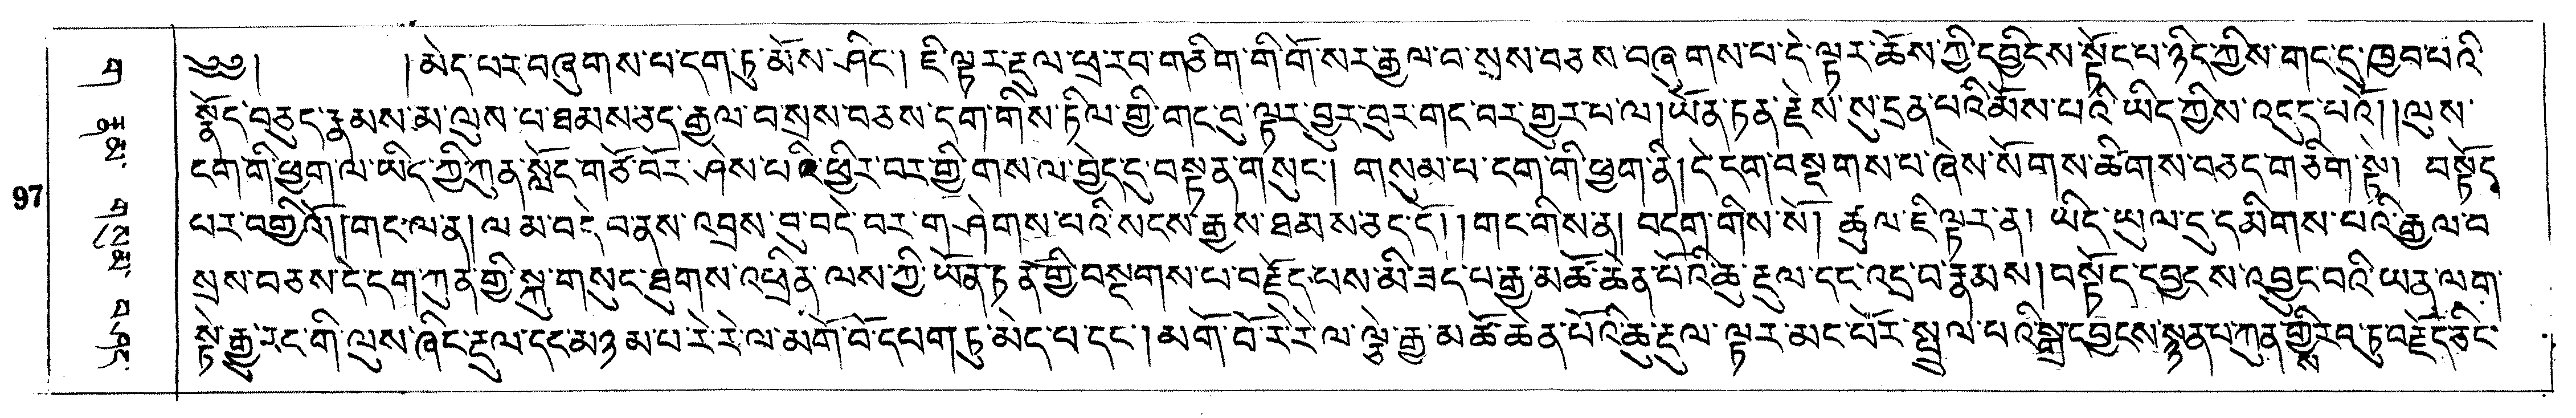༄༅། །མེད་པར་བཞུགས་པ་དག་ཏུ་མོས་ཤིང་། ཇི་ལྟར་རྡུལ་ཕྲ་རབ་གཅིག་གི་གོ་སར་རྒྱལ་བ་སྲས་བཅས་བཞུགས་པ་དེ་ལྟར་ཆོས་ཀྱི་དབྱིངས་སྟོང་པ་ཉིད་ཀྱིས་གང་དུ་ཁྱབ་པའི་
སྣོད་བཅུད་རྣམས་མ་ལུས་པ་ཐམས་ཅད་རྒྱལ་བ་སྲས་བཅས་དག་གིས་ཏིལ་གྱི་གང་བུ་ལྟར་བྱུར་བུར་གང་བར་གྱུར་པ་ལ། ཡོན་ཏན་རྗེས་སུ་དྲན་པའི་མོས་པའི་ཡིད་ཀྱིས་འདུད་པའོ། །ལུས་
ངག་གི་ཕྱག་ལ་ཡིད་ཀྱི་ཀུན་སློང་གཙོ་བོར་ཤེས་པའི་ཕྱིར་བར་གྱི་གསལ་བྱེད་དུ་བསྟན་གསུང་། གསུམ་པ་ངག་གི་ཕྱག་ནི། དེ་དག་བསྔགས་པ་ཞེས་སོགས་ཚིགས་བཅད་གཅིག་སྟེ། བསྟོད་
པར་བགྱིའོ། །གང་ལ་ན། ལམ་བདེ་བ་ནས་འབྲས་བུ་བདེ་བར་གཤེགས་པའི་སངས་རྒྱས་ཐམས་ཅད་དོ། །གང་གིས་ན། བདག་གིས་སོ། ཚུལ་ཇི་ལྟར་ན། ཡིད་ཡུལ་དུ་དམིགས་པའི་རྒྱལ་བ་
སྲས་བཅས་དེ་དག་ཀུན་གྱི་སྐུ་གསུང་ཐུགས་འཕྲིན་ལས་ཀྱི་ཡོན་ཏན་གྱི་བསྔགས་པ་བརྗོད་པས་མི་ཟད་པ་རྒྱ་མཚོ་ཆེན་པོའི་ཆུ་རྡུལ་དང་འདྲ་བ་རྣམས། བསྟོད་དབྱངས་འབྱུང་བའི་ཡན་ལག་
སྟེ་རྒྱུ་རང་གི་ལུས་ཞིང་རྡུལ་དང་མཉམ་པ་རེ་རེ་ལ་མགོ་བོ་དཔག་ཏུ་མེད་པ་དང་། མགོ་བོ་རེ་རེ་ལ་ལྕེ་རྒྱ་མཚོ་ཆེན་པོའི་ཆུ་རྡུལ་ལྟར་མང་པོར་སྤྲུལ་པའི་སྒྲ་དབྱངས་སྙན་པ་ཀུན་གྱིས་རབ་ཏུ་བརྗོད་ཅིང་